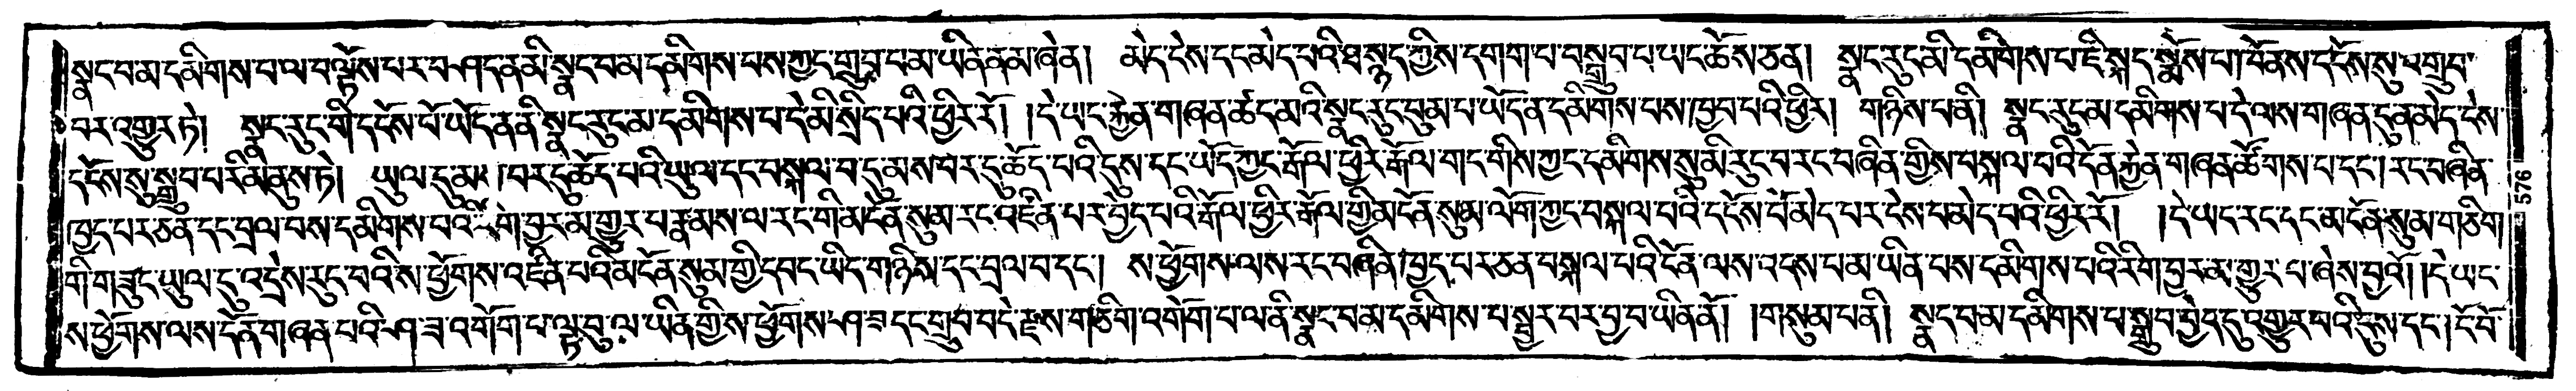སྣང་བ་མ་དམིགས་པ་ལ་བལྟོས་པར་བཤད་ན་མི་སྣང་བ་མ་དམིགས་པས་ཀྱང་གྲུབ་པ་མ་ཡིན་ནམ་ཞེ་ན། མེད་ངེས་དང་མེད་པའི་ཐ་སྙད་ཀྱིས་དགག་པ་བསྒྲུབ་པ་ཡང་ཆོས་ཅན། སྣང་རུང་མི་དམིགས་པ་ཇི་སྐད་སྨོས་པ་ཁོ་ནས་དངོས་སུ་འགྲུབ་
བར་འགྱུར་ཏེ། སྣང་རུང་གི་དངོས་པོ་ཡོད་ན་ནི་སྣང་རུང་མ་དམིགས་པ་དེ་མི་སྲིད་པའི་ཕྱིར་རོ། །དེ་ཡང་རྐྱེན་གཞན་ཚད་མའི་སྣང་རུང་བུམ་པ་ཡོད་ན་དམིགས་པས་ཁྱབ་པའི་ཕྱིར། གཉིས་པ་ནི། སྣང་རུང་མ་དམིགས་པ་དེ་ལས་གཞན་དུ་ན་མེད་ངེས་
དངོས་སུ་སྒྲུབ་པ་རི་མི་ནུས་ཏེ། ཡུལ་དུ་མས་བར་དུ་ཆོད་པའི་ཡུལ་དང་བསྐལ་བ་དུ་མས་བར་དུ་ཆོས་པའི་དུས་དང་ཡོད་ཀྱང་རྒོལ་ཕྱིར་རྒོལ་གང་གིས་ཀྱང་དམིགས་སུ་མི་རུང་བ་རང་བཞིན་གྱིས་བསྐལ་བའི་དོན་རྐྱེན་གཞན་ཚོགས་པ་དང་། རང་བཞིན་
ཁྱད་པར་ཅན་དང་བྲལ་བས་དམིགས་པའི་རིག་བྱར་མ་གྱུར་པ་རྣམས་ལ་རང་གི་མངོན་སུམ་རང་འཛིན་པར་བྱེད་པའི་རྒོལ་ཕྱིར་རྒོལ་གྱི་མངོན་སུམ་ལོག་ཀྱང་བསྐལ་པའི་དངོས་པོ་མེད་པར་ངེས་པ་མེད་པའི་ཕྱིར་རོ། །དེ་ཡང་རང་དང་མངོན་སུམ་གཅིག་
གི་གཟུང་ཡུལ་དུ་འདྲེས་རུང་བའི་ས་ཕྱོགས་འཛིན་པའི་མངོན་སུམ་གྱི་དབང་ཡིད་གཉིས་དང་བྲལ་བ་དང་། ས་ཕྱོགས་ལས་རང་བཞིན་ཁྱད་པར་ཅན་བསྐལ་པའི་དོན་ལས་འདས་པ་མ་ཡིན་པས་དམིགས་པའི་རིག་བྱར་མ་གྱུར་པ་ཞེས་བྱའོ། །དེ་ཡང་
ས་ཕྱོགས་ལས་དོན་གཞན་པའི་ཤ་ཟ་འགོག་པ་ལྟ་བུ་ལ་ཡིན་གྱི་ས་ཕྱོགས་ཤ་ཟ་དང་གྲུབ་བདེ་རྫས་གཅིག་འགོག་པ་ལ་ནི་སྣང་བ་མ་དམིགས་པ་སྦྱར་བར་བྱ་བ་ཡིན་ནོ། །གསུམ་པ་ནི། སྣང་བ་མ་དམིགས་པ་སྒྲུབ་བྱེད་དུ་འགྱུར་བའི་དུས་དང་། ངོ་བོ་